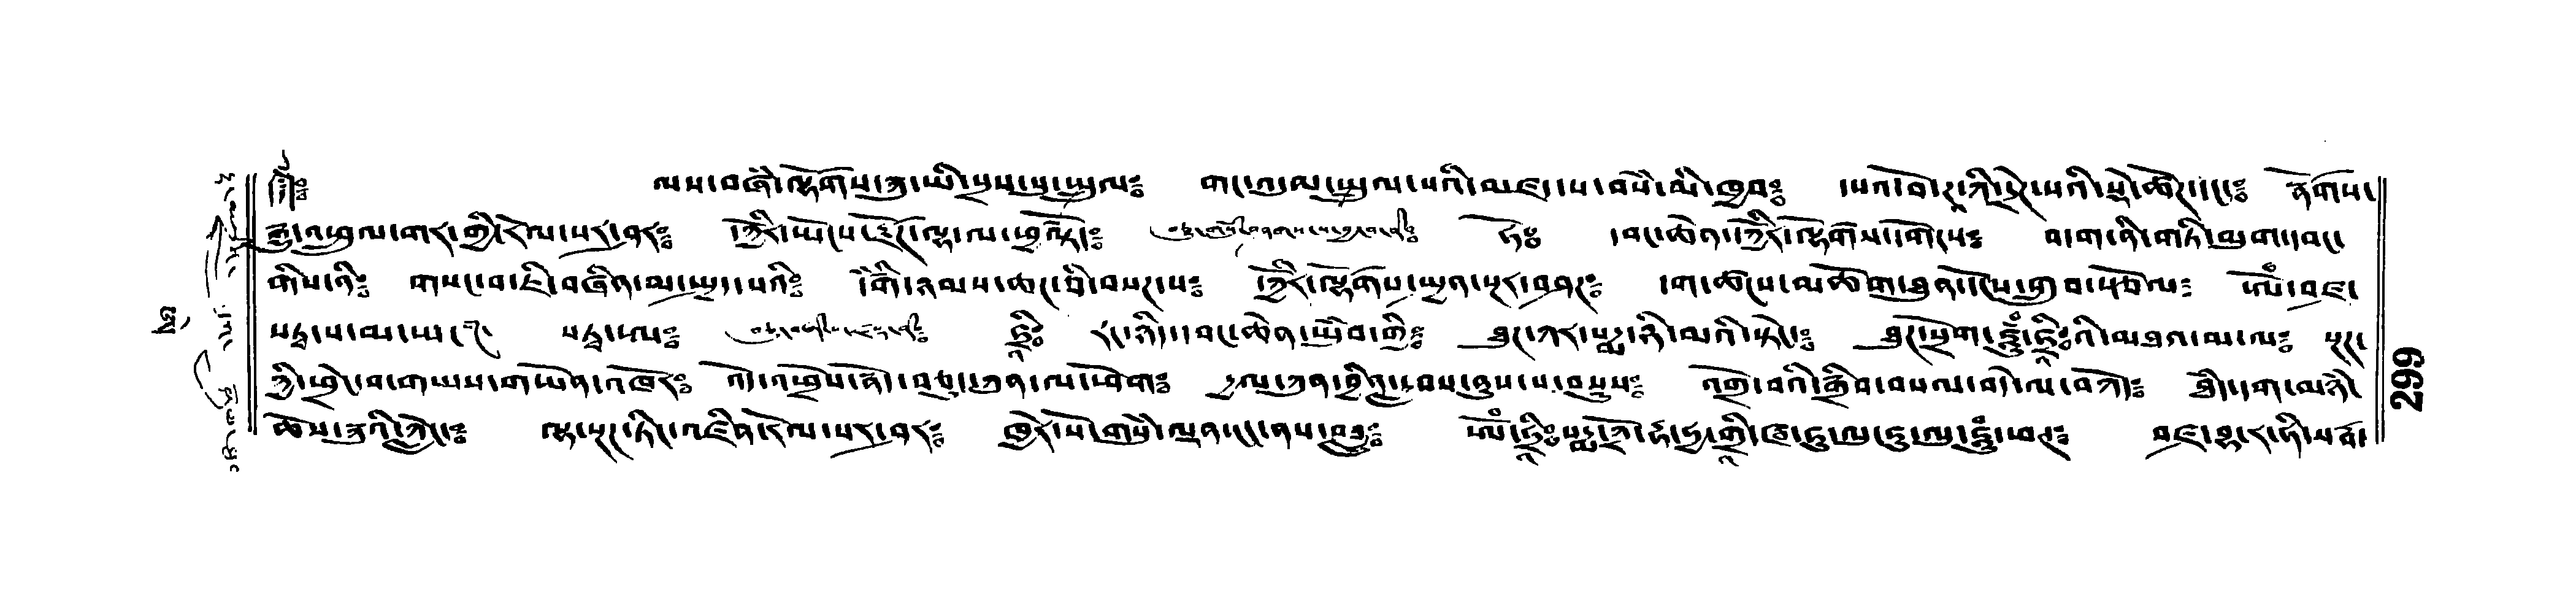ལས་བཞི་ལྷ་ཚོགས་སྐུ་ཡི་སྲས་སུ་སྤྲུལ༔ གང་འདུལ་སྤྲུལ་པའི་མཛད་པ་བསམ་མི་ཁྱབ༔ དཔའ་བོ་ཌཱ་ཀི་དྲེགས་པའི་སྡེ་ཚོགས་དང༔ སྣ་ཚོགས་
སྒྱུ་འཕྲུལ་གར་གྱི་རོལ་པར་ཤར༔ དཀྱིལ་འཁོར་ཡོངས་རྫོགས་ལྷ་ལ་ཕྱག་འཚལ་བསྟོད༔ བཅུ་གསུམ་བཤགས་པ་བྱ་པ་ནི༔ ཧོཿ དབང་ཆེན་དཀྱིལ་འཁོར་ལྷ་ཚོགས་དགོངས༔ བདག་ནི་གཏི་མུག་དབང་
གིས་ནི༔ གསང་བ་ཇི་བཞིན་མ་སྤྱད་པའི༔དམ་ཚིག་ཉམས་ཆག་ཅི་བསགས་པ༔ དཀྱིལ་འཁོར་ལྷ་ཚོགས་སྤྱན་སྔར་བཤགས༔ དག་ཚངས་མཆོག་ཐུན་དངོས་གྲུབ་སྩོལ༔ ཨོཾ་བཛྲ་
སཏྭ་ས་མ་ཡ་སོགས༔ ས་ཏྭ་ཨ༔ བཅུ་བཞི་པ་འཛབ་ནི༔ ཧྲཱིཿ རང་ཉིད་དབང་ཆེན་ཡབ་ཡུམ་གྱི༔ ཐུགས་ཀར་པདྨ་ཉི་མའི་སྟེང༔ ཐུགས་སྲོག་ཧཱུྃ་ཧྲཱིཿཡི་མཐའ་མ་ལ༔ སྔགས་
ཀྱི་ཕྲེང་བ་གཡས་གཡོན་འཁོར༔ འོད་འཕྲོས་སྣོད་བཅུད་ཀུན་ལ་ཕོག༔ རྒྱལ་ཀུན་བྱིན་རླབས་ནུས་པ་བསྡུས༔ འགྲོ་བའི་སྒྲིབ་བསལ་བདེ་ལ་བཀོད༔ ཐམས་ཅད་དག་མཉམ་
ཆོས་སྐུའི་ཀློང༔ ལྷ་སྔགས་ཏིང་འཛིན་རོལ་པར་ཤར༔ ཁྱེར་སོ་གསུམ་ལྡན་ངང་ནས་བཟླ༔ ཨོཾ་ཧྲཱིཿཔདྨ་ཀྲོ་དྷ་ཧྱ་གྲཱི་ཝ་ཧུ་ལུ་ཧུ་ལུ་ཧཱུྃ་ཕཊ༔ བཛྲ་བྷ་ར་ཧི་སརྦ་